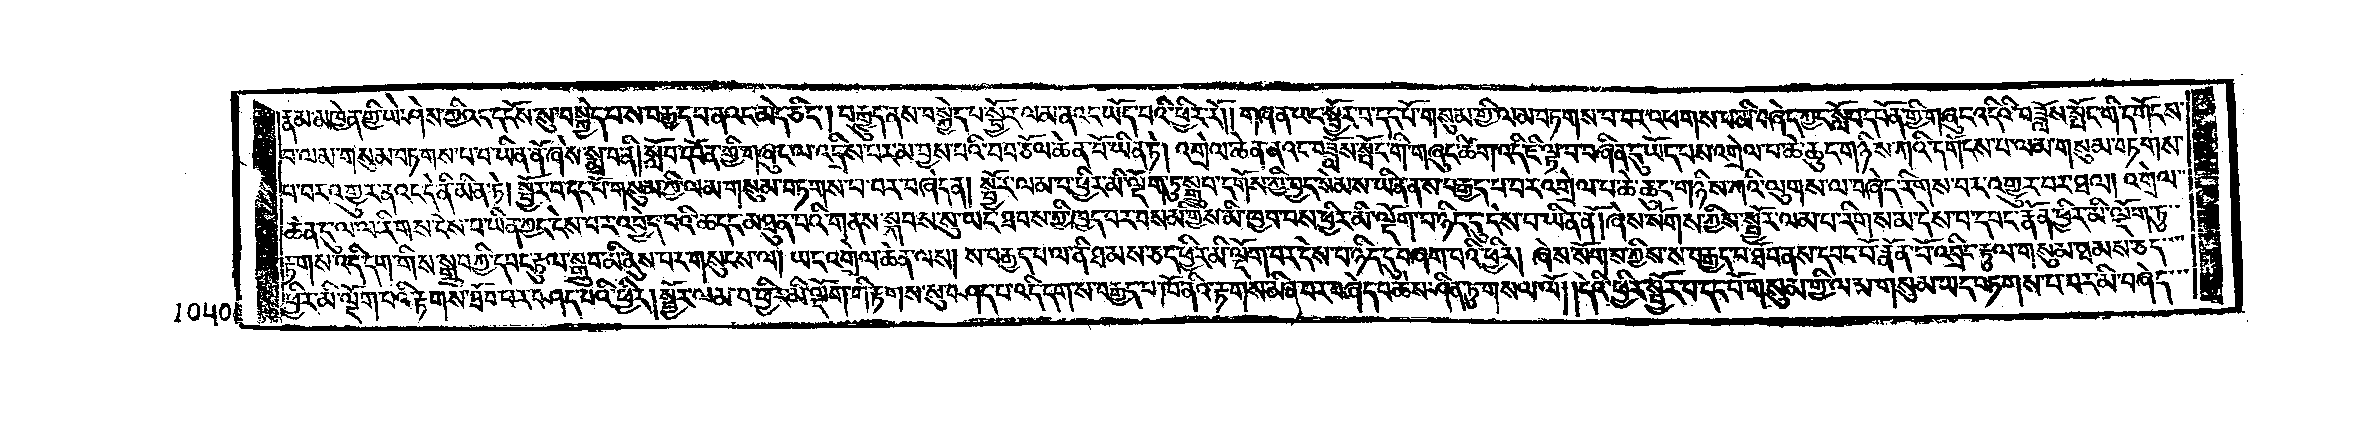རྣམ་མཁྱེན་གྱི་ཡེ་ཤེས་ཀྱིའང་དངོས་སུ་བསྐྱེད་པ་ས་བརྒྱད་པ་ནའང་མེད་ཅིང་། བརྒྱུད་ནས་བསྐྱེད་པ་སྦྱོར་ལམ་ནའང་ཡོད་པའི་ཕྱིར་རོ། །གཞན་ཡང་སྦྱོར་བ་དང་པོ་གསུམ་གྱི་ལམ་བཏགས་པ་བར་འཕགས་པ་མི་བཞེད་ཀྱང་སློབ་དཔོན་གྱི་གཞུང་འདིའི་བཟློས་སྤོང་གི་དགོངས་
བ་ལམ་གསུམ་བཏགས་པ་བ་ཡིན་ནོ་ཞེས་སྨྲ་བ་ནི། སློབ་དཔོན་གྱི་གཞུང་ལ་འདྲིས་པར་མ་བྱས་པའི་བབ་ཅོལ་ཆེན་པོ་ཡིན་ཏེ། འགྲེལ་ཆེན་ནའང་བཟློས་སྤོང་གི་གཞུང་ཚིག་འདི་ཇི་ལྟ་བ་བཞིན་དུ་ཡོད་པས་འགྲེལ་པ་ཆེ་ཆུང་གཉིས་ཀའི་དགོངས་པ་ལམ་གསུམ་བཏགས་
པ་བར་འགྱུར་ནའང་དེ་ནི་མིན་ཏེ། སྦྱོར་བ་དང་པོ་གསུམ་གྱི་ལམ་གསུམ་བཏགས་པ་བར་བཞེད་ན། སྦྱོར་ལམ་པ་ཕྱིར་མི་ལྡོག་ཏུ་སྒྲུབ་དགོས་ཀྱི་བྱང་སེམས་ཡིན་ན་ས་བརྒྱད་པ་བར་འགྲེལ་པ་ཆེ་ཆུང་གཉིས་ཀའི་ལུགས་ལ་བཞེད་རིགས་པར་འགྱུར་བར་ཐལ། འགྲེལ་
ཆེན་དུ་ལ་ལ་རིགས་ངེས་པ་ཡིན་ཀྱང་ངེས་པར་འབྱེད་པའི་ཆ་དང་མཐུན་པའི་གནས་སྐབས་སུ་ཡང་ཐབས་ཀྱི་ཁྱད་པར་བསམ་གྱིས་མི་ཁྱབ་པས་ཕྱིར་མི་ལྡོག་པ་ཉིད་དུ་ངེས་པ་ཡིན་ནོ། ཞེས་སོགས་ཀྱིས་སྦྱོར་ལམ་པ་རིགས་མ་དེས་བ་དབང་རྣོན་ཕྱིར་མི་ལྡོག་ཏུ་
རྟགས་འདི་དག་གིས་སྒྲུབ་ཀྱི་དབང་རྟུལ་སྒྲུབ་མི་ནུས་པར་གསུངས་ལ། ཡང་འགྲེལ་ཆེན་ལས། ས་བརྒྱད་པ་ལ་ནི་ཐམས་ཅད་ཕྱིར་མི་ལྡོག་པར་ངེས་པ་ཉིད་དུ་བཞག་པའི་ཕྱིར། ཞེས་སོགས་ཀྱིས་ས་བརྒྱད་པ་ཐོབ་ནས་དབང་པོ་རྣོན་པོ་འབྲིང་རྟུལ་གསུམ་ཐམས་ཅད་
ཕྱིར་མི་ལྡོག་པའི་རྟགས་ཐོབ་པར་བཤད་པའི་ཕྱིར། སྦྱོར་ལམ་པ་ཕྱིར་མི་ལྡོག་གི་རྟགས་སུ་བཤད་པ་འདི་དག་ས་བརྒྱད་པ་ཁོ་ནའི་རྟགས་མིན་པར་བཞེད་པ་ཆེས་ཤིན་ཏུ་གསལ་ལོ། །དེའི་ཕྱིར་སྦྱོར་བ་དང་པོ་གསུམ་གྱི་ལམ་གསུམ་ཡང་བཏགས་པ་བར་མི་བཞེད་